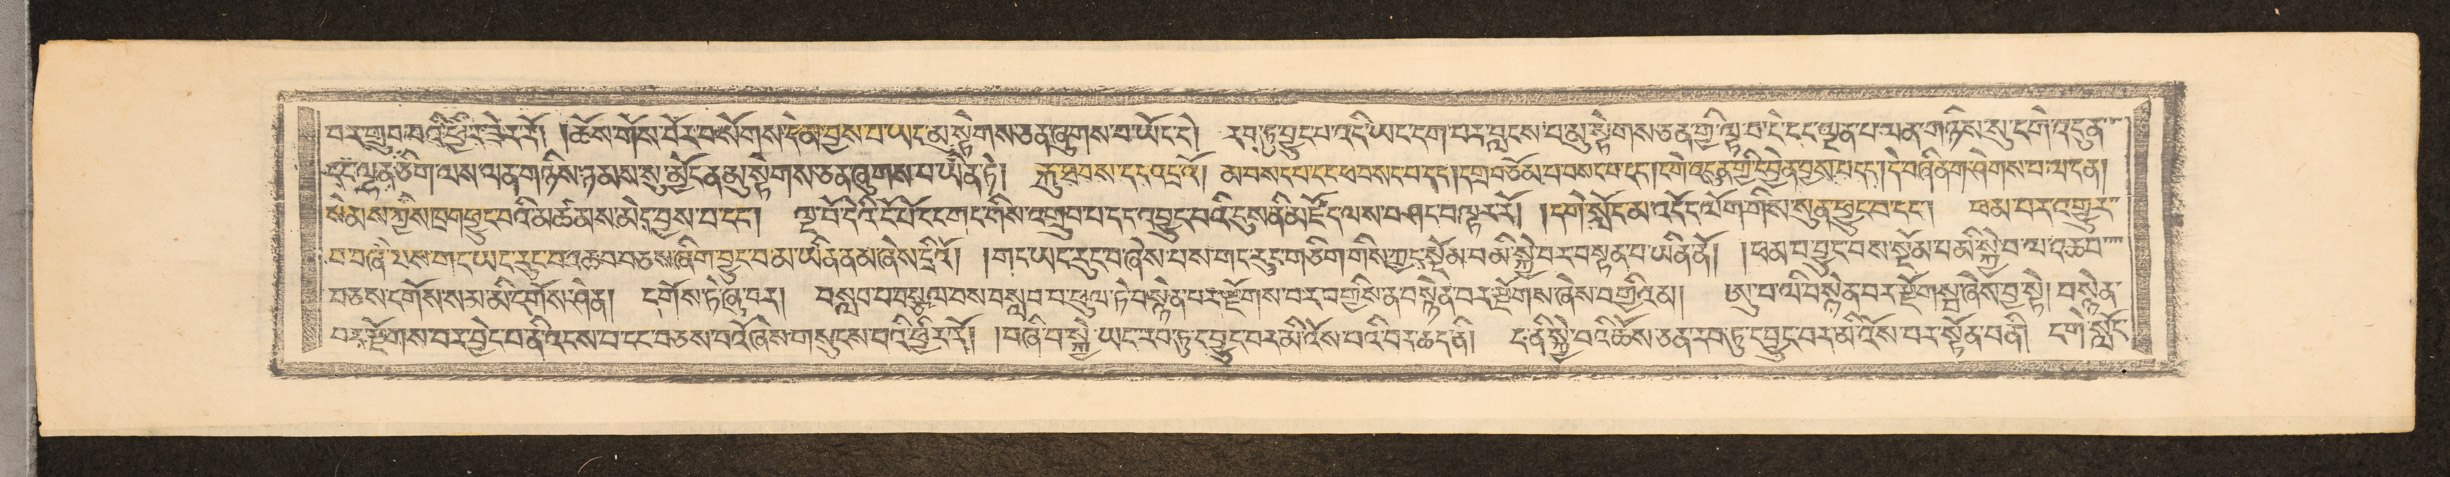བར་གྲུབ་པའི་ཕྱིར་ཟེར་རོ། །ཆོས་གོས་བོར་བ་སོགས་དེ་མ་བྱས་པ་ཡང་མུ་སྟེགས་ཅན་ཞུགས་པ་ཡོད་དེ། རབ་ཏུ་བྱུང་བ་འདི་ཡང་དག་པར་བླངས་པ་མུ་སྟེགས་ཅན་གྱི་ལྟ་བ་དེ་དང་ལྡན་པ་ལན་གཉིས་སུ་དགེ་འདུན་
དང་ལྷན་ཅིག་ལས་ལན་གཉིས་ཉམས་སུ་མྱོང་ན་མུ་སྟེགས་ཅན་ཞུགས་པ་ཡིན་ཏེ། རྐུ་ཐབས་དང་འདྲའོ། མ་བསད་པ་དང་ཕ་བསད་པ་དང་། དགྲ་བཅོམ་པ་བསད་པ་དང་། དགེ་འདུན་གྱི་དབྱེན་བྱས་པ་དང་། དེ་བཞིན་གཤེགས་པ་ལ་ངན།
སེམས་ཀྱིས་ཁྲག་ཕྱུང་བའི་མཚམས་མེང་བྱས་པ་དང་། ལྔ་པོ་དེའི་ངོ་བོ་དང་གང་གིས་འགྲུབ་པ་དང་འབྱུང་བའི་དུས་ནི་མཛོད་ལས་བཤད་པ་ལྟར་རོ། །དགེ་སློང་མ་འདོད་ལོག་གིས་སུན་ཕྱུང་བ་དང་། ཕམ་པར་འགྱུར་
བ་བཞི་ལས་གང་ཡང་རུང་བ་འཆབ་བཅས་ཞིག་ཕྱུང་བ་མ་ཡིན་ནམ་ཞེས་དྲིའོ། །གང་ཡང་རུང་བ་ཞེས་པས་གང་རུང་གཅིག་གིས་ཀྱང་སྡོམ་པ་མི་སྐྱེ་བར་བསྟན་པ་ཡིན་ནོ། །ཕམ་པ་བྱུང་བས་སྡོམ་པ་མི་སྐྱེ་བ་ལ་འཆབ་
བཅས་དགོས་སམ་མི་དགོས་ཤེ་ན། དགོས་ཏེ་ཞུ་བར། བསླབ་པ་བསྩལ་བས་བསླབ་པ་ཕུལ་ཏེ་བསྙེན་པར་རྫོགས་པར་བགྱིས་ན་བསྙེན་པར་རྫོགས་ཞེས་བགྱིའམ། ཨུ་པ་ལི་བསྙེན་པར་རྫོགས་པ་ཞེས་བྱ་སྟེ། བསྙེན་
པར་རྫོགས་པར་བྱེད་པ་ནི་འདས་པ་དང་བཅས་པའོ་ཞེས་གསུངས་པའི་ཕྱིར་རོ། །བཞི་པ་སྐྱེ་ཡང་རབ་ཏུ་དབྱུང་བར་མི་འོས་པའི་བར་ཆད་ནི། ད་ནི་སྐྱེ་བའི་ཆོས་ཅན་རབ་ཏུ་དབྱུང་བར་མི་འོས་པར་སྟོན་པ་ནི། དགེ་སློང་